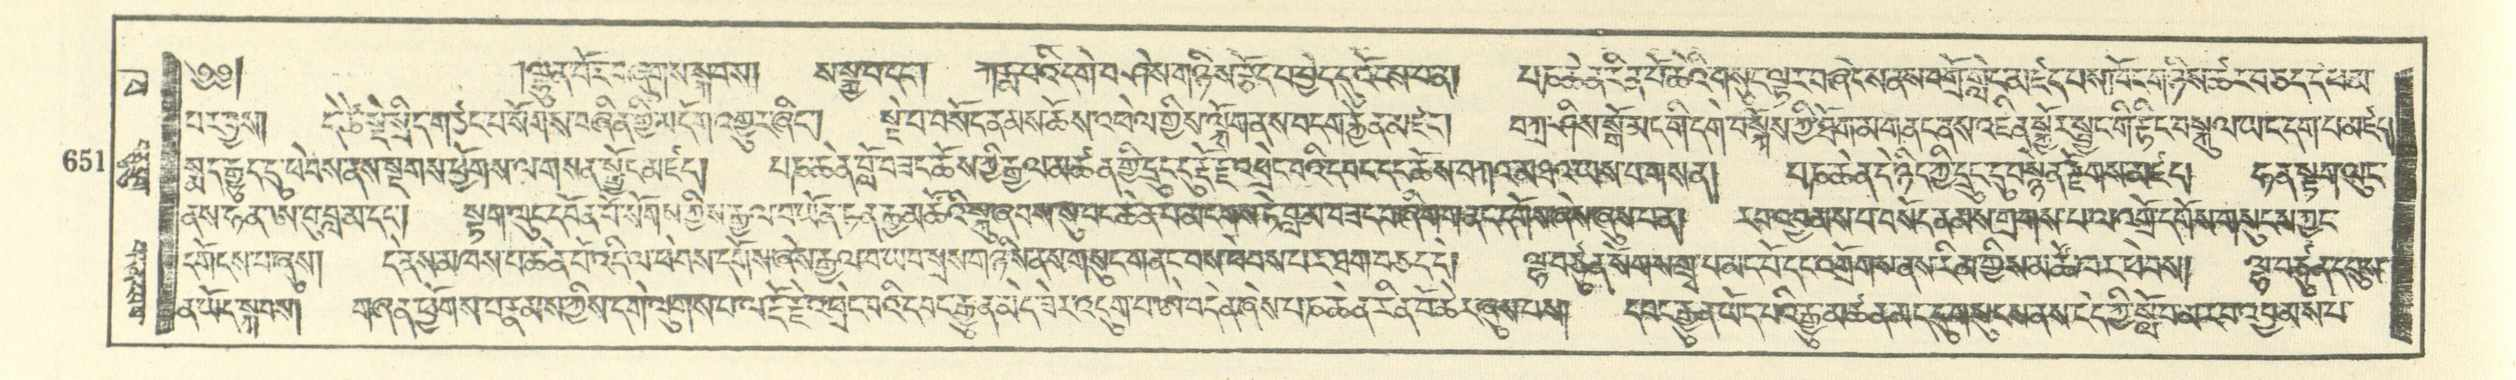༄༅། །ལྷུན་པོར་བཞུགས་སྐབས། ས་སྐྱ་པ་དང་། ཀརྨ་པའི་དགེ་བཤེས་གཉིས་རྩོད་པ་བྱེད་དུ་འོངས་པ་ན། པཎ་ཆེན་རིན་པོ་ཆེའི་གསུང་ལྟར་བཞེངས་ནས་བགྲོ་གླེང་མཛད་པས་ཁོང་གཉིས་ཚར་བཅད་དེ་ཕམ་
པར་བྱས། དེ་ཚེ་སྡེ་སྲིད་གཙང་པ་སོགས་བཞིན་གྱི་མདོག་འགྱུར་ཞིང་། སྡེ་པ་བསོད་ནམས་ཆོས་འཕེལ་གྱིས་ལྐོག་ནས་བདག་རྐྱེན་མཛད། བཀྲ་ཤིས་སྒོ་མང་གི་དགེ་བསྐོས་ཀྱི་ཐོག་མ་གནང་ནས་འཛིན་སྐྱོར་སྦྱང་གི་རྟིང་བསྐུལ་ཡང་དག་པ་མཛད།
སྨད་རྒྱུད་དུ་ཕེབས་ནས་སྔགས་ཕྱོགས་ལ་གསན་སྦྱོང་མཛད། པཎ་ཆེན་བློ་བཟང་ཆོས་ཀྱི་རྒྱལ་མཚན་གྱི་དྲུང་དུ་རྡོ་རྗེ་འཕྲེང་བའི་དབང་དང་ཆོས་བཀའ་མཐའ་ཡས་པ་གསན། པཎ་ཆེན་དེ་ཉིད་ཀྱི་དྲུང་དུ་བསྙེན་རྫོགས་མཛད། ཧན་སྟག་ལུང་
ནས་ཧན་ཨ་བུ་བླ་མ་དང་། སྟག་ལུང་དབོན་པོ་སོགས་ཀྱིས་རྒྱལ་བ་ཡོན་ཏན་རྒྱ་མཚོའི་སྐུ་ཞབས་སུ་བང་ཆེན་པ་མངགས་ཏེ་བླ་མ་བཟང་བ་ཞིག་གནང་དགོས་ཞེས་ཞུས་པ་ན། རབ་འབྱམས་པ་བསོད་ནམས་གྲགས་པ་ལ་འགྲོ་དགོས་གསུངས་ཀྱང་
དགོངས་པ་ཞུས། དེ་ནས་མཁས་པ་ཆེན་པོ་འདི་ལ་ཕེབས་དགོས་ཞེས་རྒྱལ་བ་ཡབ་སྲས་གཉིས་ནས་གསུང་གནང་བས་ཕེབས་པར་ཐག་བཅད་དེ། ལྷ་བཙུན་སོགས་གྲྭ་པ་མང་པོ་དང་འགྲོགས་ནས་རིམ་གྱིས་མཚོ་ཁར་ཕེབས། ལྷ་བཙུན་དབུས་
ན་ཡོད་སྐབས། གཞན་ཕྱོགས་པ་རྣམས་ཀྱིས་དགེ་ལུགས་པ་ལ་རྡོ་རྗེ་འཕྲེང་བའི་དབང་རྒྱུན་མེད་ཟེར་འདུག་པ་ཨེ་བདེན་ཞེས་པཎ་ཆེན་རིན་པོ་ཆེར་ཞུས་པས། དབང་རྒྱུན་ཡོད་པའི་རྒྱུ་མཚན་མང་དུ་གསུངས་ནས་ངེད་ཀྱི་སློབ་མ་རབ་འབྱམས་པ་